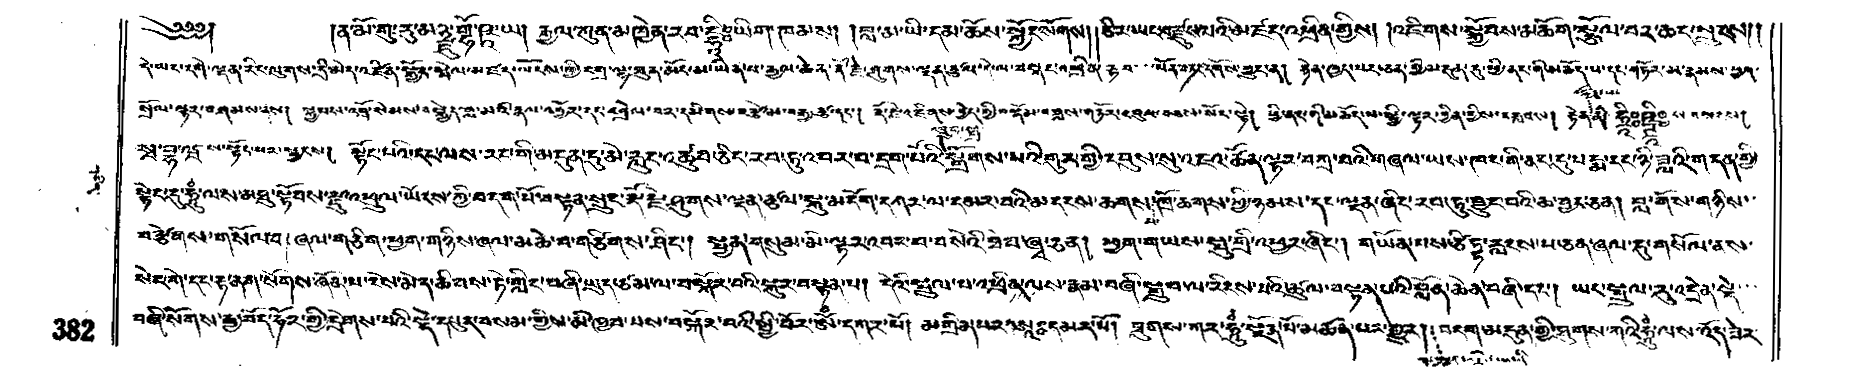༄༅༅། །ན་མོ་གུ་རུ་མཉྫུ་གྷོ་ཥཱ་ཡ། རྒྱལ་ཀུན་མཁྱེན་རབ་དྷཱིཿ ཡིག་ཁམས། །བླ་མ་ཡི་དམ་ཆོས་སྐྱོང་སོགས། །ཅིར་ཡང་བརྫུས་པའི་མཛད་འཕྲིན་གྱིས། །འཇིགས་སྐྱོབས་མཆོག་སྩོལ་བར་ཆད་སྲུངས། །
དེ་ཡང་དགེ་ལྡན་རིང་ལུགས་དྲི་མེད་འཛིན་སྐྱོང་སྤེལ་མཛད་ཡོངས་ཀྱི་དགྲ་ལྟ་ཐུན་མོང་མ་ཡིན་པ་རྒྱལ་ཆེན་རྡོ་རྗེ་ཤུགས་ལྡན་རྩལ་དེ་ལ་བསྐང་འཕྲིན་རྟབ་པོར་བཏང་དགོས་བྱུང་ན། རྟེན་ཁྱད་པར་ཅན་གྱི་མདུན་དུ་ཕྱི་ནང་གི་མཆོད་པ་དང་གཏོར་མ་རྣམས་ཕྱག་
སྲོལ་ལྟར་བཤམས་ནས། སྐྱབས་འགྲོ་སེམས་བསྐྱེད་བླ་མའི་རྣལ་འབྱོར་དང་འབྲེལ་བར་དམིགས་བརྩེ་མ་བརྒྱ་རྩ་དང་། རྡོ་རྗེ་འཇིགས་བྱེད་ཀྱི་བསྒོམ་བཟླས་གཉོར?་འབུལ་བཅས་སོང་སྟེ། ཕྱི་ནང་གི་མཆོད་པ་སྤྱི་ལྟར་བྱིན་གྱིས་བརླབས། རྟེན་ནི། སྐྱོང་བ་ཧྲཱིཿ ཥྚཱིཿ ས་བསངས།
སྭ་བྷ་ཝ་ས་སྟོང་པས་སྦྱངས། སྟོང་པའི་དང་ལས་རང་གི་མདུན་དུ་མེ་རླུང་འཚུབ་ཅིང་རབ་ཏུ་འབར་བ་དྲག་པོའི་འབྲུག་སྒྲ་སྒྲོགས་པའི་གུར་གྱི་དབུས་སུ་འཇའ་ཚོན་ལྟར་བཀྲ་བའི་གཞལ་ཡས་ཁང་གི་ནང་དུ་པདམ་དང་ཉི་ཟླའི་གདན་གྱི་
སྟེང་དུ་ཧཱུཾ་ལས་མཐུ་སྟོབས་རྫུ་འཕྲུལ་ཡོངས་ཀྱི་བདག་པོ་བསྟན་སྲུང་རྡོ་རྗེ་ཤུགས་ལྡན་རྩལ་སྐུ་མདོག་དཀར་ལ་དམར་བའི་མདངས་ཆགས་པ་ཁྲོ་ཆགས་ཀྱི་ཉམས་དང་ལྡན་ཞིང་རབ་ཏུ་བྱུང་བའི་ཆ་བྱང་ཅན། བླ་གོས་གཉིས་
བརྩེགས་གསོལ་བ། ཞལ་གཅིག་ཕྱག་གཉིས་ཞལ་མཆེ་བ་གཙིགས་ཤིང་། སྤྱན་གསུམ་མེ་ལྟར་འབར་བ་བསེའི་ཐེབ་ཞྭ་ཅན། ཕྱག་གཡས་སྤུ་གྲི་འཕྱར་ཞིང་། གཡོན་པས་ཙིཏྟ་རླངས་པ་ཅན་ཞལ་དུ་གསོལ་ནས་
སེང་གེ་དང་རྟ་ནག་སོགས་ཞོན་པ་ངེས་མེད་ཆིབས་ཏེ་གླིང་བཞི་ཡུད་ཙམ་ལ་བསྐོར་བའི་སྐུར་བསྟན་པ། དེའི་སྤྲུལ་པ་འཕྲིན་ལས་རྣམ་བཞི་སྒྲུབ་ལ་རིངས་པའི་ཚུལ་བསྟན་པའི་བློན་ཆེན་བཞི་དང་། ཡང་སྤྲུལ་རུ་འདྲེན་སྡེ་
བཞི་སོགས་རྒྱ་བོད་ཧོར་གྱི་དྲེགས་པའི་སྡེ་དཔུང་བསམ་གྱིས་མི་ཁྱབ་པས་བསྐོར་བའི་སྤྱི་བོར་ཨོཾ་དཀར་པོ། མགྲིན་པར་ཨཱཿ དམར་པོ། ཐུགས་ཀར་ཧཱུཾ་སྔོན་པོ་མཚན་པར་གྱུར། །བདག་མདུན་གྱི་ཐུགས་ཀའི་ཧཱུཾ་ལས་འོད་ཟེར་